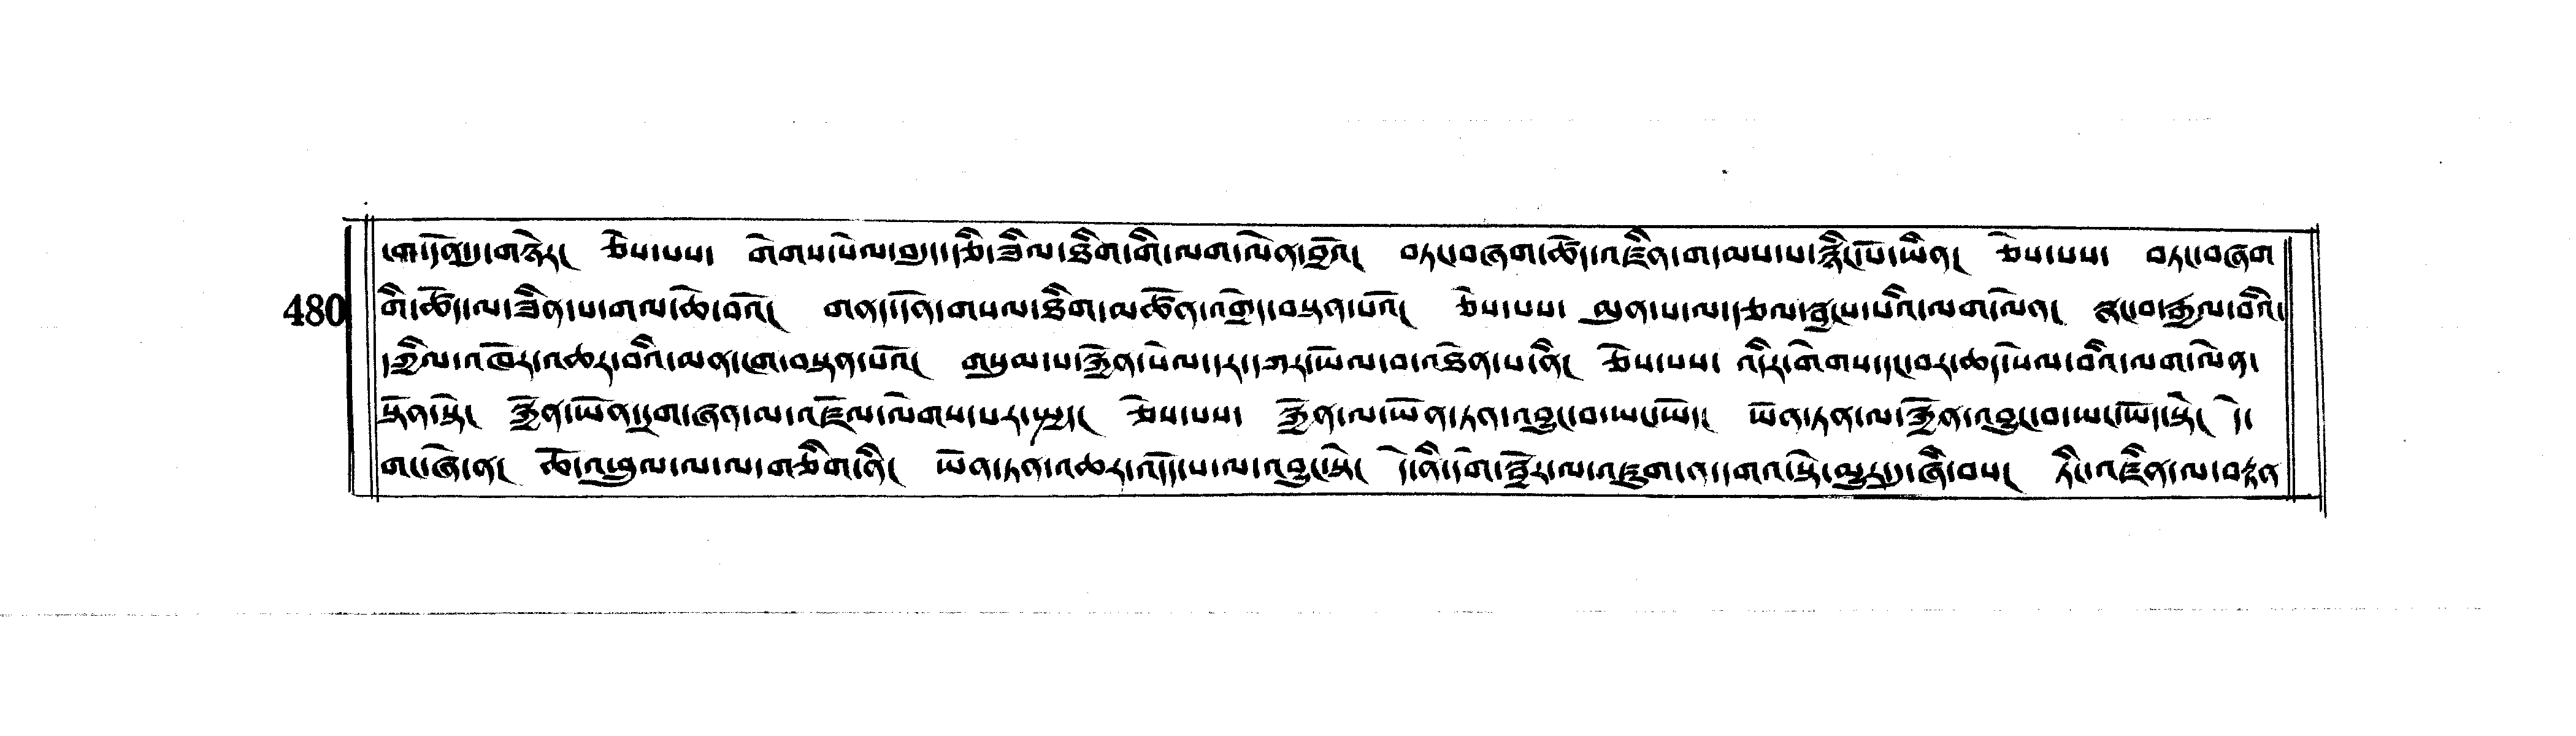ངག་དོན་དུ་གཉེར། ཅེས་པས། གེགས་སེལ་བདུད་རྩི་ཟིལ་ཐིག་གི་ལག་ལེན་བྱའོ། བཏང་བཞག་ཚོད་འཛིན་གདམས་པ་སྙིང་པོ་ཡིན། ཅེས་པས། བཏང་བཞག་
གི་ཚོད་ལ་ཟིན་པ་གལ་ཆེ་བའོ། གནད་དོན་གསལ་ཐིག་མཚོན་འགྱེད་བསྟན་པའོ། ཅེས་པས། མུན་པ་ལ་རྩལ་སྦྱངས་པའི་ལག་ལེན། སྣང་བ་རྒྱལ་བའི་
དཀྱིལ་འཁོར་འཆར་བའི་མན་ངག་བསྟན་པའོ། གསུམ་པ་སྐྱོན་སེལ་དར་དཀར་ཡོལ་བ་འཐེན་པ་ནི། ཅེས་པས། འདིར་གེགས་དང་བར་ཆད་སེལ་བའི་ལག་ལེན་
སྟོན་ཏེ། སྐྱོན་ཡོན་དྲག་ཞན་མ་འཛོལ་ལེགས་པར་སྤྱད། ཅེས་པས། སྐྱོན་ལ་ཡོན་ཏན་འབྱུང་བའང་ཡོད། ཡོན་ཏན་ལ་སྐྱོན་འབྱུང་བའང་ཡོད་དེ། དེ་
གང་ཞེ་ན། ཆོ་འཕྲུལ་ལ་ལ་གཅིག་ནི། ཡོན་ཏན་འཆར་འདོད་པ་ལ་འབྱུང་སྟེ། དེ་ནི་དགེ་སྦྱོར་ལ་འཇུག་ན་དགའ་སྟེ་མྱུར་དུ་ཞི་བས། ཏིང་འཛིན་ལ་བརྟན་